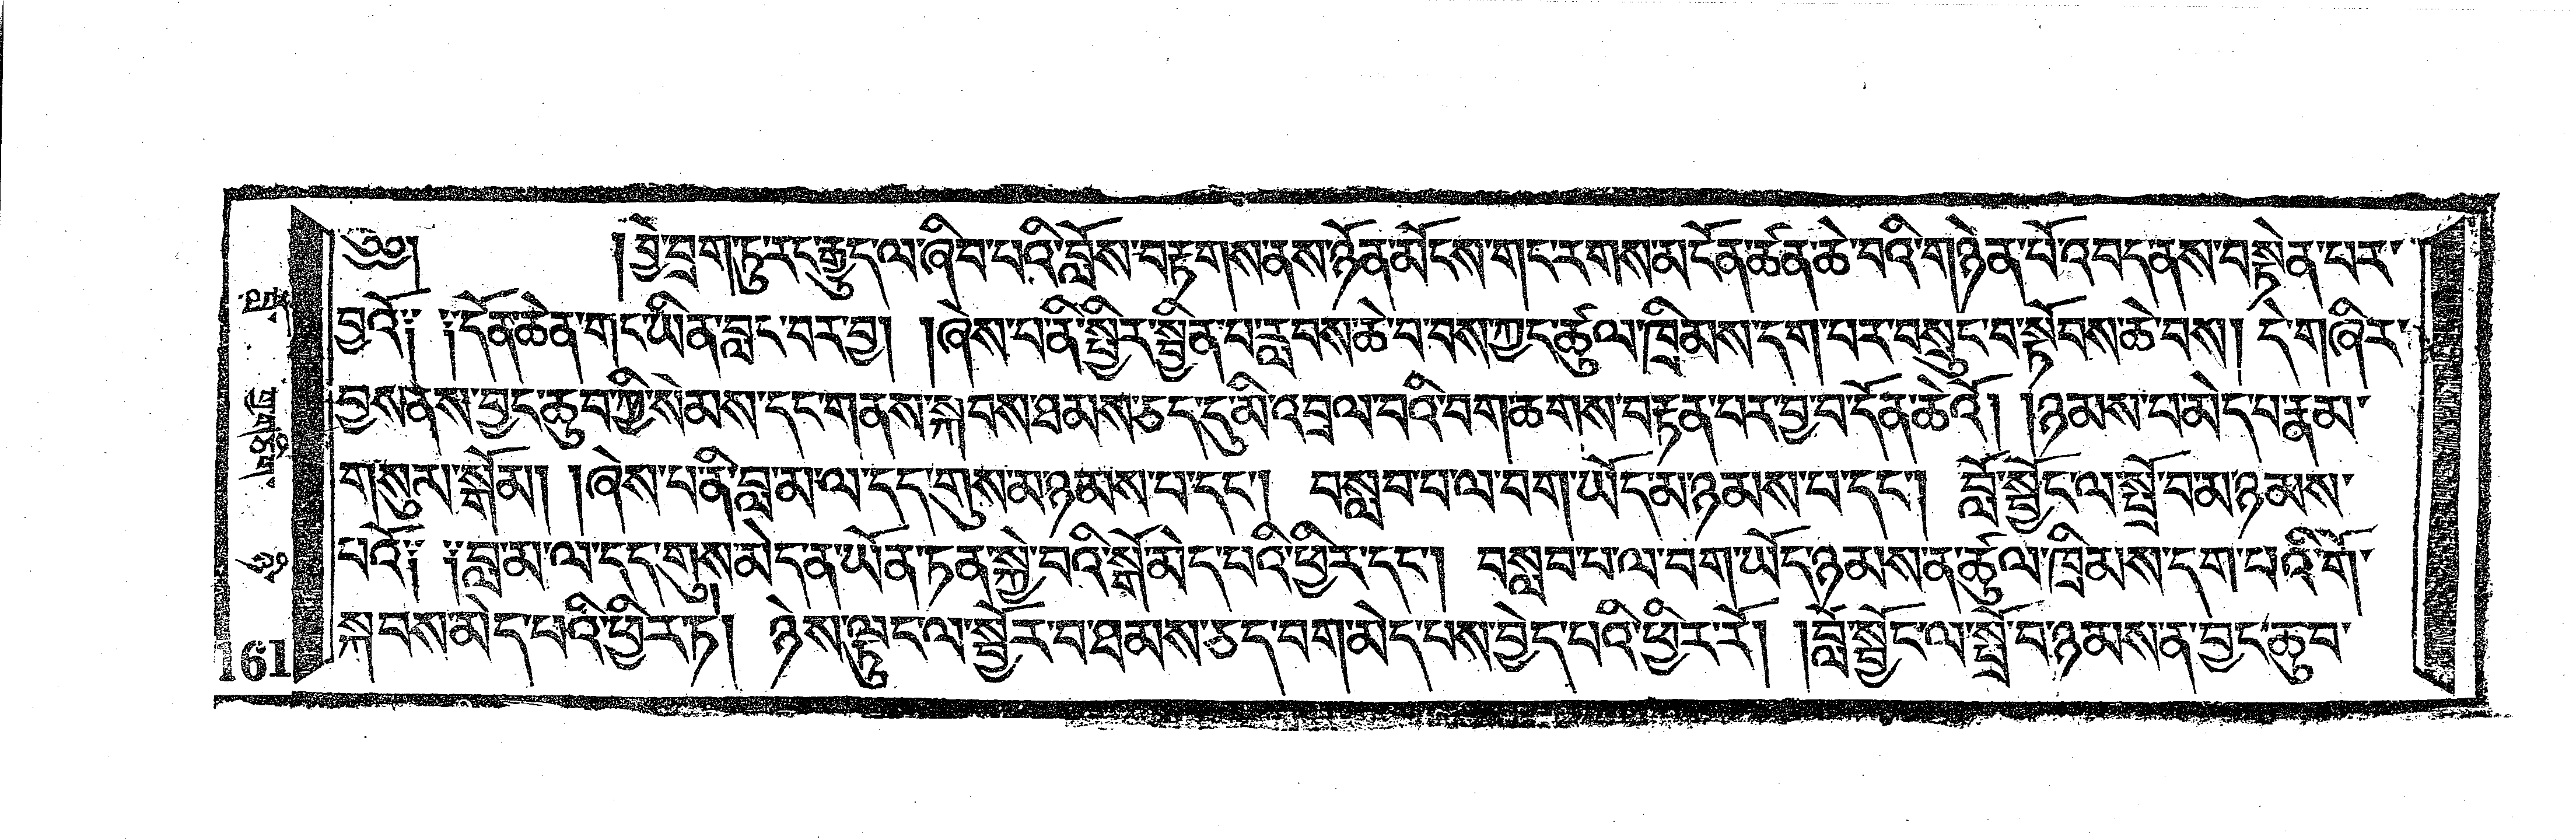༄༅། །བྱེ་བྲག་ཏུ་རང་རྒྱུད་ལ་ཞིབ་པའི་བློས་བརྟགས་ནས་ཉོན་མོངས་གང་རགས་མངོན་ཚན་ཆེ་བའི་གཉེན་པོ་འབད་ནས་བསྟེན་པར་
བྱའོ༑ ༑དོན་ཆེན་གང་ཡིན་བླང་བར་བྱ། །ཞེས་པ་ནི་སྤྱིར་སྦྱིན་པ་རླབས་ཆེ་བབས་ཀྱང་ཚུལ་ཁྲིམས་དག་པར་བསྲུང་བ་སྟོབས་ཆེ་བས། དེ་གཞིར་
བྱས་ནས་བྱང་ཆུབ་ཀྱི་སེམས་དང་གནས་སྐབས་ཐམས་ཅད་དུ་མི་འབྲལ་བའི་བག་ཆགས་བརྟན་པར་བྱ་བ་དོན་ཆེའོ། །ཉམས་པ་མེད་པ་རྣམ་
གསུམ་སྒོམ། །ཞེས་པ་ནི་བླ་མ་ལ་དད་གུས་མ་ཉམས་པ་དང་། བསླབ་པ་ལ་བག་ཡོད་མ་ཉམས་པ་དང་། བློ་སྦྱོང་ལ་སྤྲོ་བ་མ་ཉམས་
པའོ༑ ༑བླ་མ་ལ་དད་གུས་མེད་ན་ཡོན་ཏན་སྐྱེ་བའི་སྒོ་མེད་པའི་ཕྱིར་དང་། བསླབ་པ་ལ་བག་ཡོད་ཉམས་ན་ཚུལ་ཁྲིམས་དག་པའི་གོ་
སྐབས་མེད་པའི་ཕྱིར་ཏེ། ཉེས་ལྟུང་ལ་སྦྱོར་བ་ཐམས་ཅད་བག་མེད་པས་བྱེད་པའི་ཕྱིར་རོ། །བློ་སྦྱོང་ལ་སྤྲོ་བ་ཉམས་ན་བྱང་ཆུབ་